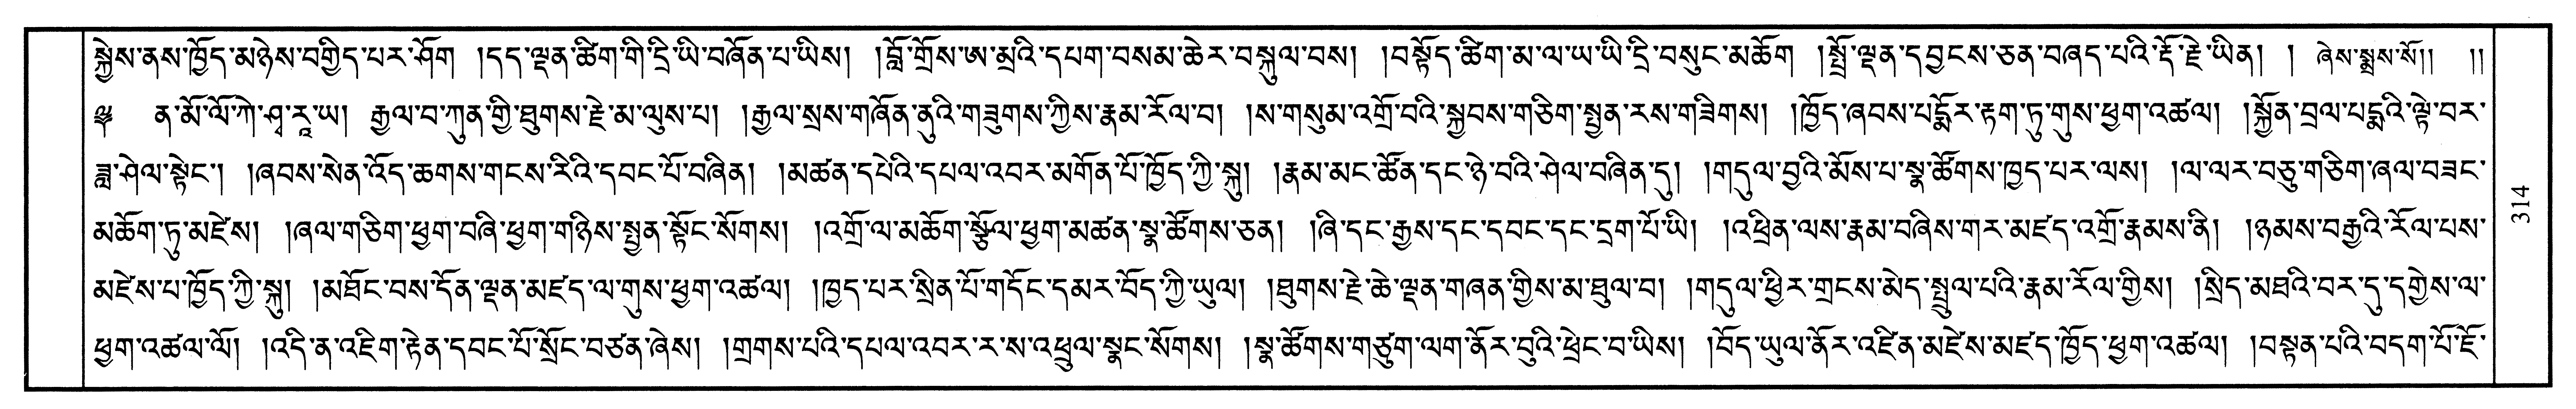སྐྱེས་ནས་ཁྱོད་མཉེས་བགྱིད་པར་ཤོག །དད་ལྡན་ཚིག་གི་དྲི་ཡི་བཞོན་པ་ཡིས། །བློ་གྲོས་ཨ་མྲའི་དཔག་བསམ་ཆེར་བསྐུལ་བས། །བསྟོད་ཚིག་མ་ལ་ཡ་ཡི་དྲི་བསུང་མཆོག །སྤྲོ་ལྡན་དབྱངས་ཅན་བཞད་པའི་རྡོ་རྗེ་ཡིན། །ཞེས་སྨྲས་སོ།། །།
༈ ན་མོ་ལོ་ཀེ་ཤྭ་རཱ་ཡ། །རྒྱལ་བ་ཀུན་གྱི་ཐུགས་རྗེ་མ་ལུས་པ། །རྒྱལ་སྲས་གཞོན་ནུའི་གཟུགས་ཀྱིས་རྣམ་རོལ་བ། །ས་གསུམ་འགྲོ་བའི་སྐྱབས་གཅིག་སྤྱན་རས་གཟིགས། །ཁྱོད་ཞབས་པདམོར་རྟག་ཏུ་གུས་ཕྱག་འཚལ། །སྐྱོན་བྲལ་པདམའི་ལྟེ་བར་
ཟླ་ཤེལ་སྟེང་། །ཞབས་སེན་འོད་ཆགས་གངས་རིའི་དབང་པོ་བཞིན། །མཚན་དཔེའི་དཔལ་འབར་མགོན་པོ་ཁྱོད་ཀྱི་སྐུ། །རྣམ་མང་ཚོན་དང་ཉེ་བའི་ཤེལ་བཞིན་དུ། །གདུལ་བྱའི་མོས་པ་སྣ་ཚོགས་ཁྱད་པར་ལས། །ལ་ལར་བཅུ་གཅིག་ཞལ་བཟང་
མཆོག་ཏུ་མཛེས། །ཞལ་གཅིག་ཕྱག་བཞི་ཕྱག་གཉིས་སྤྱན་སྟོང་སོགས། །འགྲོ་ལ་མཆོག་སྩོལ་ཕྱག་མཚན་སྣ་ཚོགས་ཅན། །ཞི་དང་རྒྱས་དང་དབང་དང་དྲག་པོ་ཡི། །འཕྲིན་ལས་རྣམ་བཞིས་གར་མཛད་འགྲོ་རྣམས་ནི། །ཉམས་བརྒྱའི་རོལ་པས་
མཛེས་པ་ཁྱོད་ཀྱི་སྐུ། །མཐོང་བས་དོན་ལྡན་མཛད་ལ་གུས་ཕྱག་འཚལ། །ཁྱད་པར་སྲིན་པོ་གདོང་དམར་བོད་ཀྱི་ཡུལ། །ཐུགས་རྗེ་ཆེ་ལྡན་གཞན་གྱིས་མ་ཐུལ་བ། །གདུལ་ཕྱིར་གྲངས་མེད་སྤྲུལ་པའི་རྣམ་རོལ་གྱིས། །སྲིད་མཐའི་བར་དུ་དགྱེས་ལ་
ཕྱག་འཚལ་ལོ། །འདི་ན་འཇིག་རྟེན་དབང་པོ་སྲོང་བཙན་ཞེས། །གྲགས་པའི་དཔལ་འབར་ར་ས་འཕྲུལ་སྣང་སོགས། །སྣ་ཚོགས་གཙུག་ལག་ནོར་བུའི་ཕྲེང་བ་ཡིས། །བོད་ཡུལ་ནོར་འཛིན་མཛེས་མཛད་ཁྱོད་ཕྱག་འཚལ། །བསྟན་པའི་བདག་པོ་ཇོ་